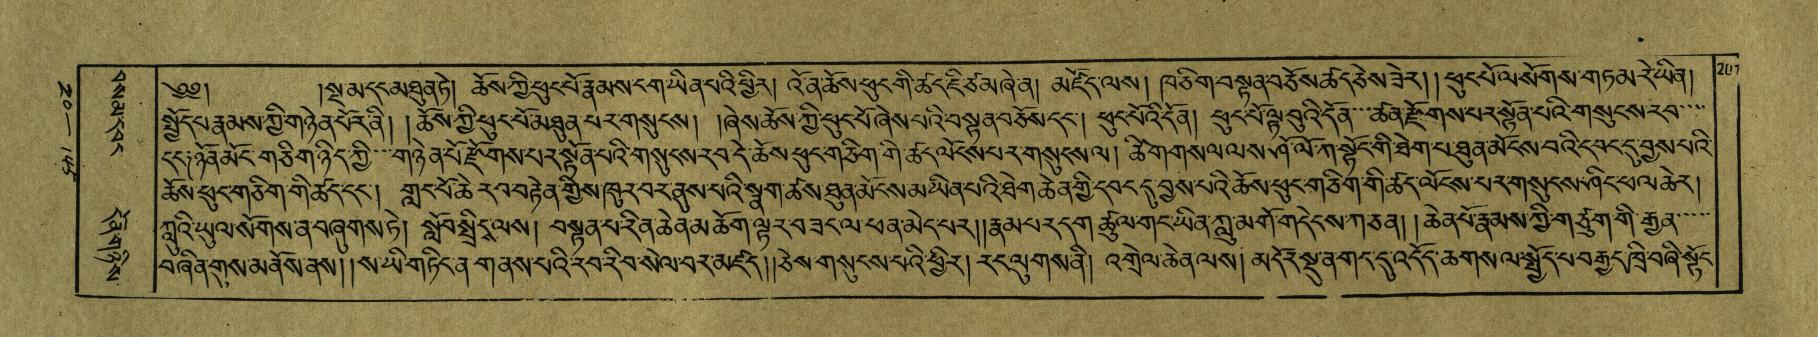༄༅། །སྔ་མ་དང་མཐུན་ཏེ། ཆོས་ཀྱི་ཕུང་པོ་རྣམས་ངག་ཡིན་པའི་ཕྱིར། འོ་ན་ཆོས་ཕུང་གི་ཚད་ཇི་ཙམ་ཞེ་ན། མཛོད་ལས། ཁ་ཅིག་བསྟན་བཅོས་ཚད་ཅེས་ཟེར། །ཕུང་པོ་ལ་སོགས་གཏམ་རེ་ཡིན།
སྤྱོད་པ་རྣམས་ཀྱི་གཉེན་པོར་ནི། །ཆོས་ཀྱི་ཕུང་པོ་མཐུན་པར་གསུངས། །ཞེས་ཆོས་ཀྱི་ཕུང་པོ་ཞེས་པའི་བསྟན་བཅོས་དང་། ཕུང་པོའི་དོན། ཕུང་པོ་ལྟ་བུའི་དོན་ཚན་རྫོགས་པར་སྟོན་པའི་གསུངས་རབ་
དང༑ ཉོན་མོངས་གཅིག་ཉིད་ཀྱི་གཉེན་པོ་རྫོགས་པར་སྟོན་པའི་གསུངས་རབ་དེ་ཆོས་ཕུང་གཅིག་གི་ཚད་ལོངས་པར་གསུངས་ལ། ཚིག་གསལ་ལས་ཤོ་ལོ་ཀ་སྟོང་གི་ཐེག་པ་ཐུན་མོངས་བའི་དབང་དུ་བྱས་པའི་
ཆོས་ཕུང་གཅིག་གི་ཚད་དང་། གླང་པོ་ཆེ་རབ་བརྟེན་གྱིས་ཁུར་བར་ནུས་པའི་སྣག་ཚས་ཐུན་མོངས་མ་ཡིན་པའི་ཐེག་ཆེན་གྱི་དབང་དུ་བྱས་པའི་ཆོས་ཕུང་གཅིག་གི་ཚད་ལོངས་པར་གསུངས་ཤིང་ཕལ་ཆེར།
ཀླུའི་ཡུལ་སོགས་ན་བཞུགས་ཏེ། སློབ་སྤྲིངས་ལས། བསྟན་པ་རིན་ཆེན་མཆོག་ལྟར་བཟང་ལ་ཕན་མེད་པར། །རྣམ་པར་དག་ཚུལ་གང་ཡིན་ཀླུ་མགོ་གདེངས་ཀ་ཅན། །ཆེན་པོ་རྣམས་ཀྱི་གཙུག་གི་རྒྱན་
བཞིན་གུས་མནོས་ནས། །ས་ཡི་གཏིང་ན་གནས་པའི་རབ་རིབ་སེལ་བར་མཛད། །ཅེས་གསུངས་པའི་ཕྱིར། རང་ལུགས་ནི། འགྲེལ་ཆེན་ལས། མདོར་སྡུ་ན་གང་དུ་འདོད་ཆགས་ལ་སྤྱོད་པ་བརྒྱད་ཁྲི་བཞི་སྟོང་